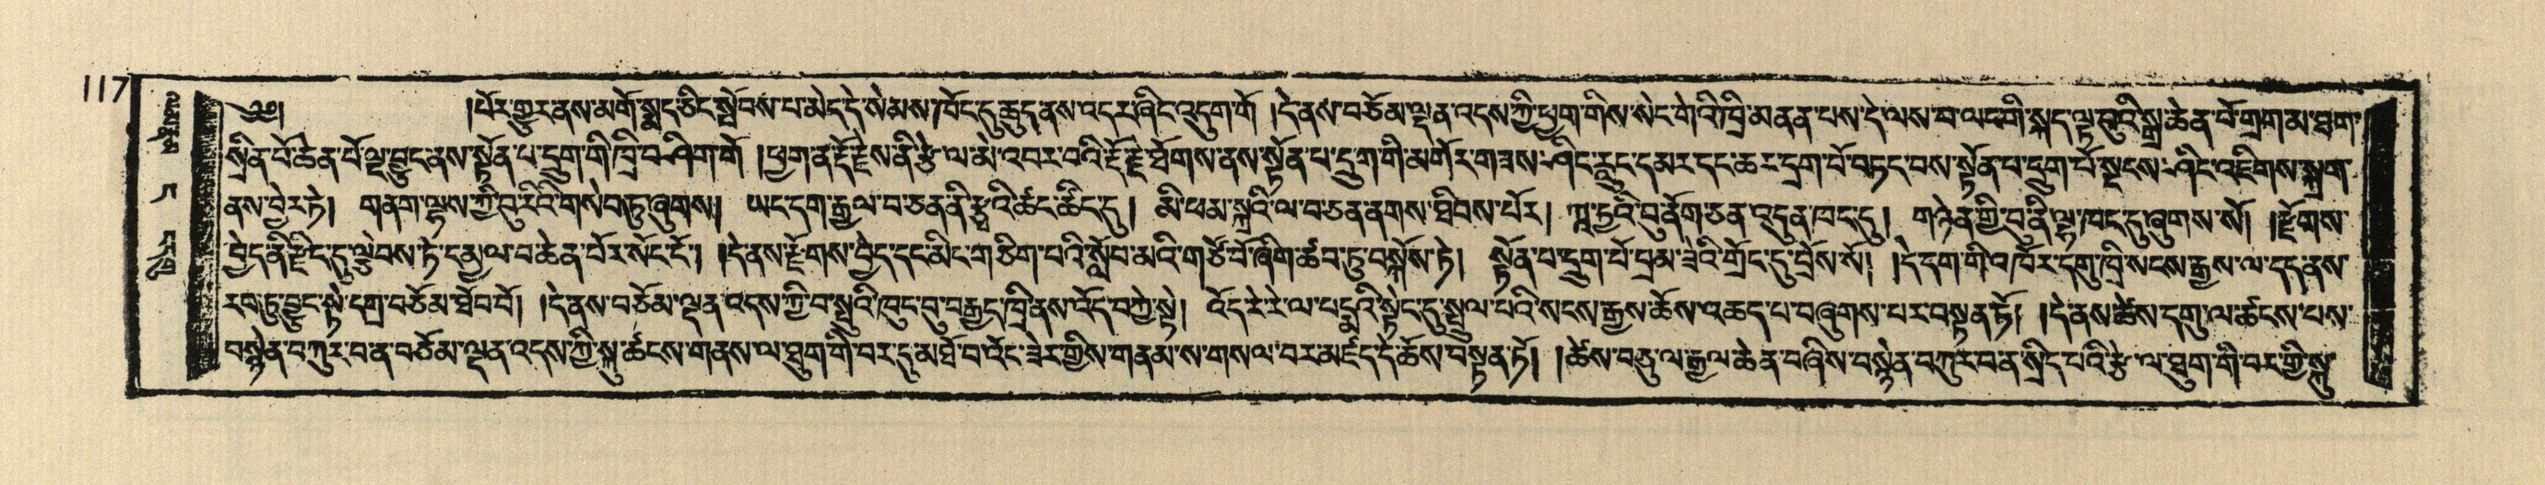༄༅། །པོར་གྱུར་ནས་མགོ་སྨད་ཅིང་སྤོབས་པ་མེད་དེ་སེམས་ཁོང་དུ་ཆུད་ནས་འདར་ཞིང་འདུག་གོ །དེ་ནས་བཅོམ་ལྡན་འདས་ཀྱི་ཕྱག་གིས་སེང་གེའི་ཁྲི་མནན་པས་དེ་ལས་བ་ལང་གི་སྐད་ལྟ་བུའི་སྒྲ་ཆེན་པོ་གྲག་མ་ཐག་
སྲིན་པོ་ཆེན་པོ་ལྔ་བྱུང་ནས་སྟོན་པ་དྲུག་གི་ཁྲི་བ་ཤིག་གོ །ཕྱག་ན་རྡོ་རྗེས་ནི་རྩེ་ལ་མེ་འབར་བའི་རྡོ་རྗེ་ཐོགས་ནས་སྟོན་པ་དྲུག་གི་མགོར་གཟས་ཤིང་རླུང་དམར་དང་ཆར་དྲག་པོ་བཏང་བས་སྟོན་པ་དྲུག་པོ་སྡངས་ཤིང་འཇིགས་སྐྲག་
ནས་བྱེར་ཏེ། གནག་ལྷས་ཀྱི་བུ་རིའི་གསེབ་ཏུ་ཞུགས། ཡང་དག་རྒྱལ་བ་ཅན་ནི་རྩྭའི་ཚང་ཚིང་དུ། མི་ཕམ་སྐྲའི་ལ་བ་ཅན་ནགས་ཐིབས་པོར། ཀཱ་ཏྱའི་བུ་ནོག་ཅན་འདུན་ཁང་དུ། གཉེན་གྱི་བུ་ནི་ལྷ་ཁང་དུ་ཞུགས་སོ། །རྫོགས་
བྱེད་ནི་རྫིང་དུ་ལྕེབས་ཏེ་དམྱལ་བ་ཆེན་པོར་སོང་ངོ། །དེ་ནས་རྫོགས་བྱེད་དང་མིང་གཅིག་པའི་སློབ་མའི་གཙོ་བོ་ཞིག་ཚབ་ཏུ་བསྐོས་ཏེ། སྟོན་པ་དྲུག་པོ་བྲམ་ཟེའི་གྲོང་དུ་བྲོས་སོ། །དེ་དག་གི་འཁོར་དགུ་ཁྲི་སངས་རྒྱས་ལ་དད་ནས་
རབ་ཏུ་བྱུང་སྟེ་དགྲ་བཅོམ་ཐོབ་བོ། །དེ་ནས་བཅོམ་ལྡན་འདས་ཀྱི་བ་སྤུའི་ཁུང་བུ་བརྒྱད་ཁྲི་ནས་འོད་བཀྱེ་སྟེ། འོད་རེ་རེ་ལ་པདམའི་སྟེང་དུ་སྤྲུལ་པའི་སངས་རྒྱས་ཆོས་འཆད་པ་བཞུགས་པར་བསྟན་ཏོ། །དེ་ནས་ཚེས་དགུ་ལ་ཚངས་པས་
བསྙེན་བཀུར་བ་ན་བཅོམ་ལྡན་འདས་ཀྱི་སྐུ་ཚངས་གནས་ལ་ཐུག་གི་བར་དུ་མཐོ་བ་འོད་ཟེར་གྱིས་གནམ་ས་གསལ་བར་མཛད་དེ་ཆོས་བསྟན་ཏོ། །ཚེས་བཅུ་ལ་རྒྱལ་ཆེན་བཞིས་བསྙེན་བཀུར་བ་ན་སྲིད་པའི་རྩེ་ལ་ཐུག་གི་བར་གྱི་སྐུ་